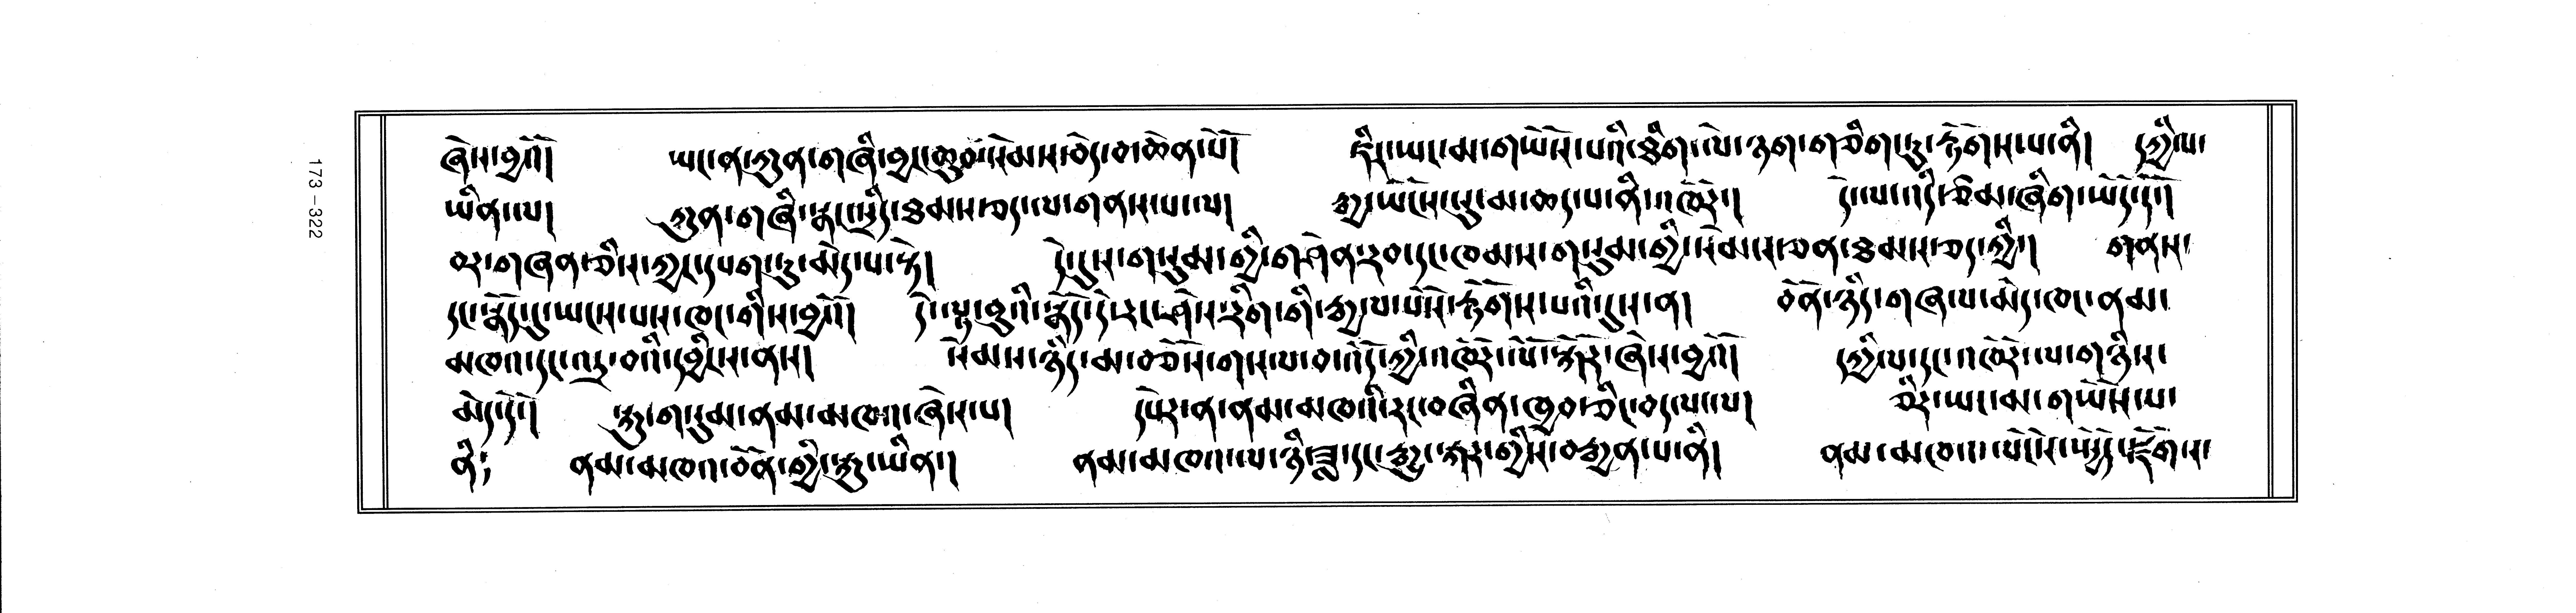ཞེས་བྱའོ། །ཡང་ན་ཀུན་གཞི་བྱང་ཆུབ་ཀྱི་སེམས་བདེ་བ་ཆེན་པོ། ཇིར་ཡང་མ་གཡོས་པའི་ཐིག་ལེ་ཉག་གཅིག་ཏུ་རྟོགས་པ་ནི། དཀྱིལ་
ཡིན་ལ། ཀུན་གཞི་སྣང་སྲིད་ཐམས་ཅད་ལ་གནས་པ་ལ། རྒྱ་ཡོངས་སུ་མ་ཆད་པ་ནི་འཁོར། དེ་ལ་འདི་ཙམ་ཞིག་ཡོད་དོ་
བར་གཞན་གྱིས་ཀྱང་དཔག་ཏུ་མེ་པ་སྟེ། དེ་དུས་གསུམ་གྱི་གཤེན་རབ་དང་ཁམས་གསུམ་གྱི་སེམས་ཅན་ཐམས་ཅད་ཀྱི། གནས་
དང་སྣོད་དུ་ཡངས་པས་ཁང་ཞེས་བྱའོ། །དེ་ལྟ་བུའི་སྣོད་དེ་རང་ཤེས་རིག་གི་རྒྱལ་པོས་རྟོགས་པའི་དུས་ན། བོན་ཉིད་གཞལ་མེད་ཁང་ནམ་
མཁའ་དང་འདྲ་བའི་དབྱིངས་ནས། སེམས་ཉིད་མ་བཅོས་གསལ་བ་འོད་ཀྱི་འཁོར་ལོ་བསྐོར་ཞེས་བྱའོ། །དཀྱིལ་དང་འཁོར་ལ་གཉིས་
མེད་དོ། །སྐུ་གསུམ་ནམ་མཁའ་ཞེས་པ། དཔེར་ན་ནམ་མཁའི་རང་བཞིན་ཁྱབ་ཅིང་བདལ་པ། ཅིར་ཡང་མ་གཡོས་པ་
ནི། ནམ་མཁའ་བོན་གྱི་སྐུ་ཡིན། ནམ་མཁའ་ནམ་མཁའ་ལ་ཉི་ཟླ་དང་རྒྱུ་སྐར་གྱིས་བརྒྱན་པ་ནི། ནམ་མཁའ་ལོངས་སྤྱོད་རྫོགས་